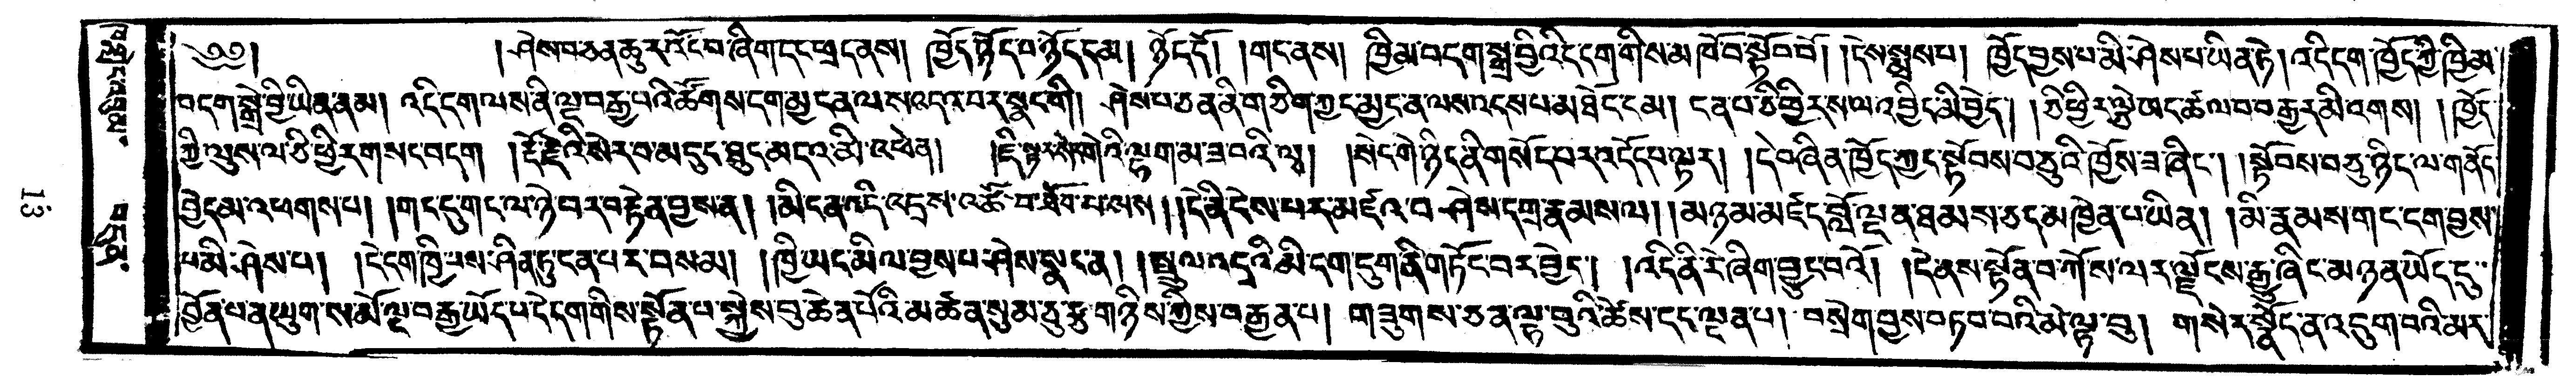༄༅། །ཤེས་པ་ཅན་ཆུར་འོང་བ་ཞིག་དང་ཕྲད་ནས། ཁྱོད་ཉོད་པ་ཉོད་དམ། ཉོད་དོ། །གང་ནས། ཁྱིམ་བདག་སྒྲ་བྱིའི་དག་གིས་མཁོ་བ་སྟོབ་བོ། །དེས་སྨྲས་པ། ཁྱོད་བྱས་པ་མི་ཤེས་པ་ཡིན་ཏེ། འདི་དག་ཁྱོད་ཀྱི་ཁྱིམ་
བདག་སྒྲེ་བྱི་ཡིན་ནམ། འདི་དག་ལས་ནི་ལྔ་བརྒྱ་བའི་ཚོགས་དག་མྱ་ངན་ལས་འདའ་བར་སྣང་གི། ཤེས་པ་ཅན་ནི་གཅིག་ཀྱང་མྱང་ན་ལས་འདས་པ་མཐོང་ངམ། ངན་པ་ཅི་ཕྱིར་ས་ལ་འབྱིང་མི་བྱེད། །ཅི་ཕྱིར་ལྕེ་ཡང་ཚལ་བ་བརྒྱར་མི་འགས། །ཁྱོད་
ཀྱི་ལུས་ལ་ཅི་ཕྱིར་གསང་བདག །རྡོ་རྗེའི་སེར་བ་མདུང་ཐུད་མདའ་མི་འཕེན། །ཇི་ལྟར་སེང་གེའི་ལྷག་མ་ཟ་བའི་ལྭ། །སེང་གེ་ཉིད་ནི་གསོད་པར་འདོད་པ་ལྟར། །དེ་བཞིན་ཁྱོད་ཀྱང་སྟོབས་བཅུའི་ཁྱོས་ཟ་ཞིང་། །སྟོབས་བཅུ་ཉིད་ལ་གནོད་
བྱེད་མ་འཕགས་པ། །གང་དུ་གང་ལ་ཉེ་བར་བརྟེན་བྱས་ན། །མི་ངན་འདི་འདྲས་འཚོ་བ་ཐོབ་པ་ལས། །དེ་ནི་ངེས་པར་མཛའ་བཤེས་དགྲ་རྣམས་ལ། །མཉམ་མཛད་བློ་ལྡན་ཐམས་ཅད་མཁྱེན་པ་ཡིན། །མི་རྣམས་གང་དག་བྱས་
པ་མི་ཤེས་པ། །དེ་དག་ཁྱི་པས་ཤིན་ཏུ་ངན་པར་བསམ། །ཁྱི་ཡང་མི་ལ་བྱས་པ་ཤེས་སྣང་ན། །སྤྲུལ་འདྲའི་མི་དག་དུག་ནི་གཏོང་བར་བྱེད། །འདི་ནི་རེ་ཞིག་བྱུང་བའོ། །དེ་ནས་སྟོན་པ་ཀོ་ས་ལར་ལྗོངས་རྒྱུ་ཞིང་མཉན་ཡོད་དུ་
བྱོན་པ་ན་ཡུག་ས་མོ་ལྔ་བརྒྱ་ཡོད་པ་དེ་དག་གིས་སྟོན་པ་སྐྱེས་བུ་ཆེན་པོའི་མཚན་སུམ་ཅུ་རྩ་གཉིས་ཀྱིས་བརྒྱན་པ། གཟུགས་ཅན་ལྟ་བུའི་ཚེས་དང་ལྡན་པ། བསྲེག་བྱས་བཏབ་པའི་མེ་ལྟ་བུ། གསེར་སྣོད་ན་འདུག་པའི་མར་